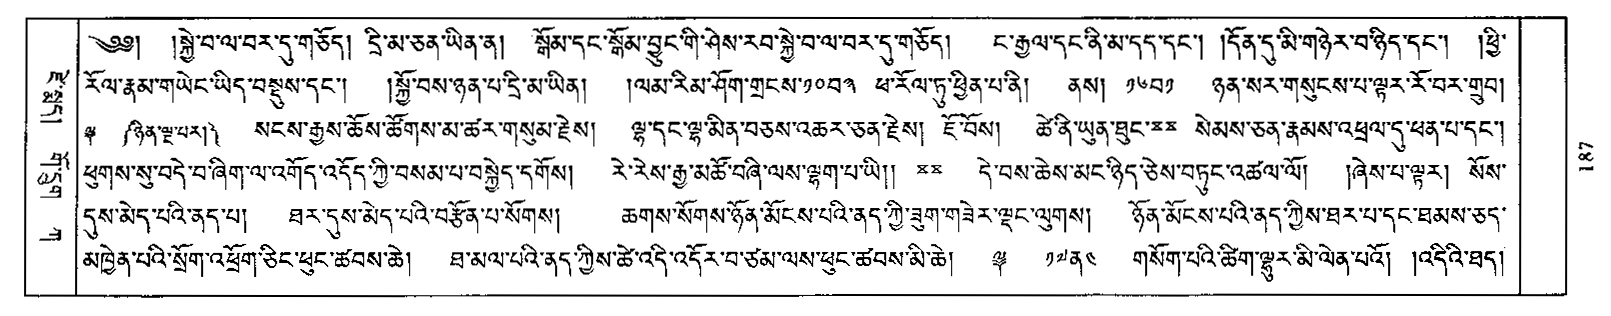༄༅། །སྐྱེ་བ་ལ་བར་དུ་གཅོད། དྲི་མ་ཅན་ཡིན་ན། སྒོམ་དང་སྒོམ་བྱུང་གི་ཤེས་རབ་སྐྱེ་བ་ལ་བར་དུ་གཅོད། ང་རྒྱལ་དང་ནི་མ་དད་དང་། །དོན་དུ་མི་གཉེར་བ་ཉིད་དང་། །ཕྱི་
རོལ་རྣམ་གཡེང་ཡིད་བསྡུས་དང་། །སྐྱོ་བས་ཉན་པ་དྲི་མ་ཡིན། །ལམ་རིམ་ཤོག་གྲངས ༡༠་བ ༣་ཕ་རོལ་ཏུ་ཕྱིན་པ་ནི། ནས། ༡༦་བ ༡་ཉན་སར་གསུངས་པ་ལྟར་རོ་བར་གྲུབ།
༈ ཉིན་ལྔ་པར།?་སངས་རྒྱས་ཆོས་ཚོགས་མ་ཚར་གསུམ་རྗེས། ལྷ་དང་ལྷ་མིན་བཅས་འཆར་ཅན་རྗེས། ཇོ་བོས། ཚེ་ནི་ཡུན་ཐུང་སེམས་ཅན་རྣམས་འཕྲལ་དུ་ཕན་པ་དང་།
ཕུགས་སུ་བདེ་བ་ཞིག་ལ་འགོད་འདོད་ཀྱི་བསམ་པ་བསྐྱེད་དགོས། རེ་རེས་རྒྱ་མཚོ་བཞི་ལས་ལྷག་པ་ཡི།། དེ་བས་ཆེས་མང་ཉིད་ཅེས་བཏུང་འཚལ་ལོ། །ཞེས་པ་ལྟར། སོས་
དུས་མེད་པའི་ནད་པ། ཐར་དུས་མེད་པའི་བརྩོན་པ་སོགས། ཆགས་སོགས་ཉོན་མོངས་པའི་ནད་ཀྱི་ཟུག་གཟེར་ལྡང་ལུགས། ཉོན་མོངས་པའི་ནད་ཀྱིས་ཐར་པ་དང་ཐམས་ཅད་
མཁྱེན་པའི་སྲོག་འཕྲོག་ཅིང་ཕུང་ཚབས་ཆེ། ཐ་མལ་པའི་ནད་ཀྱིས་ཚེ་འདི་འདོར་བ་ཙམ་ལས་ཕུང་ཚབས་མི་ཆེ། ༈ ༡༧་ན ༤་གསོག་པའི་ཚིག་ལྷུར་མི་ལེན་པའོ། །འདིའི་ཐད།